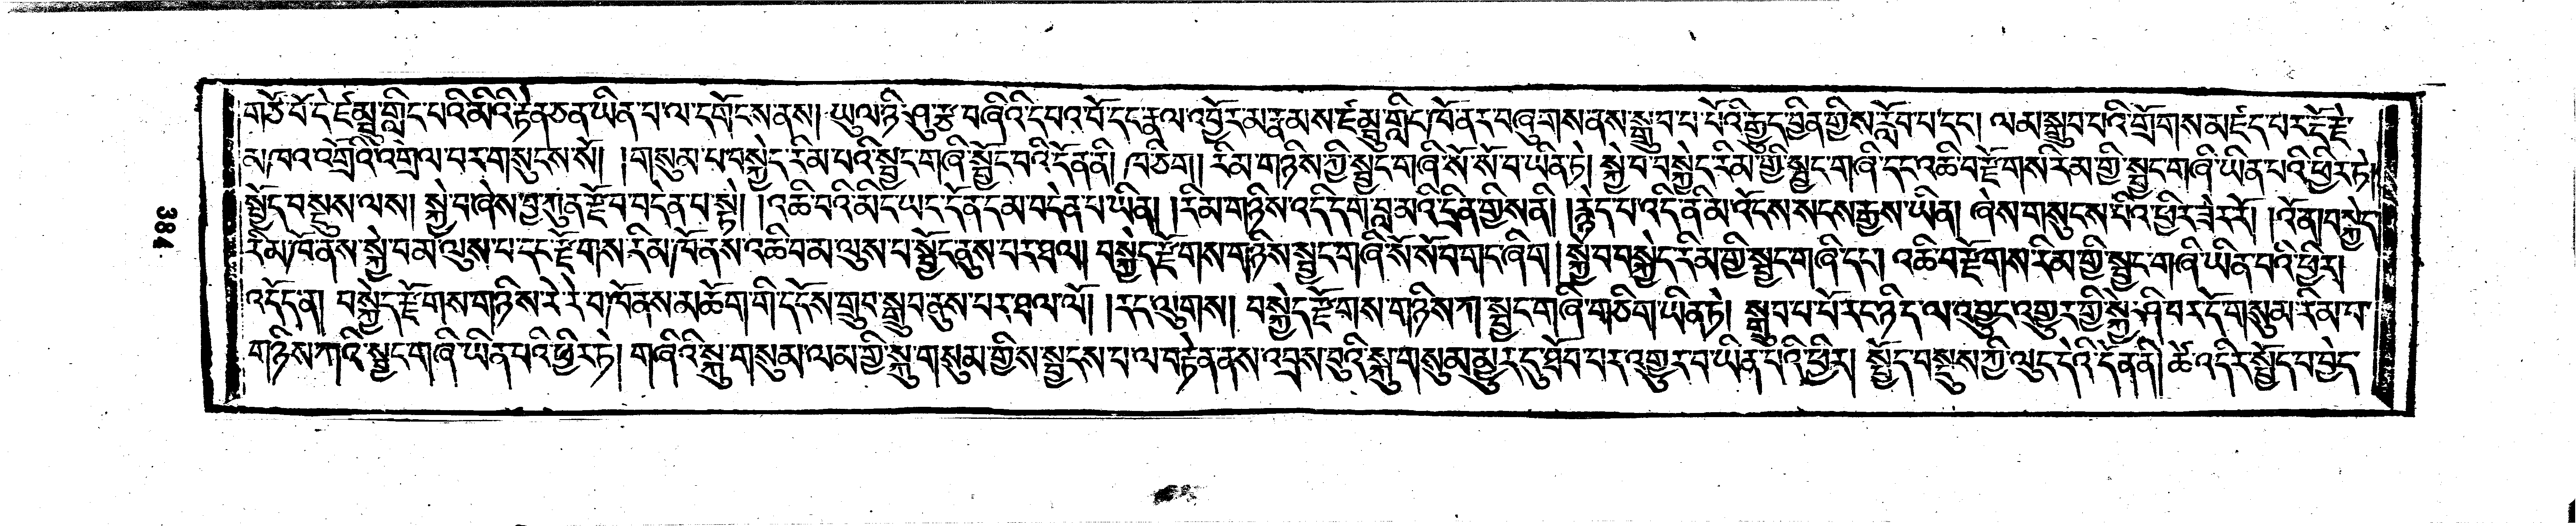གཙོ་བོ་དེ་ཛམྦུ་གླིང་པའི་མིའི་རྟེན་ཅན་ཡིན་པ་ལ་དགོངས་ནས། ཡུལ་ཉི་ཤུ་རྩ་བཞིའི་དཔའ་བོ་དང་རྣལ་འབྱོར་མ་རྣམས་ཛམྦུ་གླིང་ཁོ་ནར་བཞུགས་ནས་སྒྲུབ་པ་པོའི་རྒྱུད་བྱིན་གྱིས་རློབ་པ་དང་། ལམ་སྒྲུབ་པའི་གྲོགས་མཛད་པར་རྡོ་རྗེ་
མཁའ་འགྲོའི་འགྲེལ་པར་གསུངས་སོ། །གསུམ་པ་བསྐྱེད་རིམ་པའི་སྦྱང་གཞི་སྦྱོང་བའི་དོན་ནི། ཁ་ཅིག །རིམ་གཉིས་ཀྱི་སྦྱང་གཞི་སོ་སོ་བ་ཡིན་ཏེ། སྐྱེ་བ་བསྐྱེད་རིམ་གྱི་སྦྱང་གཞི་དང་འཆི་བ་རྫོགས་རིམ་གྱི་སྦྱང་གཞི་ཡིན་པའི་ཕྱིར་ཏེ།
སྤྱོད་བསྡུས་ལས། སྐྱེ་བ་ཞེས་བྱ་ཀུན་རྫོབ་བདེན་པ་སྟེ། །འཆི་བའི་མིང་ཡང་དོན་དམ་བདེན་པ་ཡིན། །རིམ་གཉིས་འདི་དག་བླ་མའི་དྲིན་གྱིས་ནི། །རྙེད་པ་འདི་ནི་མ་འོངས་སངས་རྒྱས་ཡིན། ཞེས་གསུངས་པའི་ཕྱིར་ཟེར་རོ། །འོ་ན། བསྐྱེད།
རིམ་ཁོ་ནས་སྐྱེ་བ་མ་ལུས་པ་དང་རྫོགས་རིམ་ཁོ་ནས་འཆི་བ་མ་ལུས་པ་སྤྱོད་ནུས་པར་ཐལ། བསྐྱེད་རྫོགས་གཉིས་སྦྱང་གཞི་སོ་སོ་བ་གང་ཞིག །སྐྱེ་བ་བསྐྱེད་རིམ་གྱི་སྦྱང་གཞི་དང་། འཆི་བ་རྫོགས་རིམ་གྱི་སྦྱང་གཞི་ཡིན་པའི་ཕྱིར།
འདོད་ན། བསྐྱེད་རྫོགས་གཉིས་རེ་རེ་བ་ཁོ་ནས་མཆོག་གི་དངོས་གྲུབ་སྒྲུབ་ནུས་པར་ཐལ་ལོ། །རང་ལུགས། བསྐྱེད་རྫོགས་གཉིས་ཀ་སྦྱང་གཞི་གཅིག་ཡིན་ཏེ། སྒྲུབ་པ་པོ་རང་ཉིད་ལ་འབྱུང་འགྱུར་གྱི་སྐྱེ་ཤི་བར་དོ་གསུམ་རིམ་པ་
གཉིས་ཀའི་སྦྱང་གཞི་ཡིན་པའི་ཕྱིར་ཏེ། གཞིའི་སྐུ་གསུམ་ལམ་གྱི་སྐུ་གསུམ་གྱིས་སྦྱངས་པ་ལ་བརྟེན་ནས་འབྲས་བུའི་སྐུ་གསུམ་མྱུར་དུ་ཐོབ་པར་འགྱུར་བ་ཡིན་པའི་ཕྱིར། སྤྱོད་བསྡུས་ཀྱི་ལུང་དེའི་དོན་ནི། ཚེ་འདིར་སྤྱོད་པ་བྱེད་